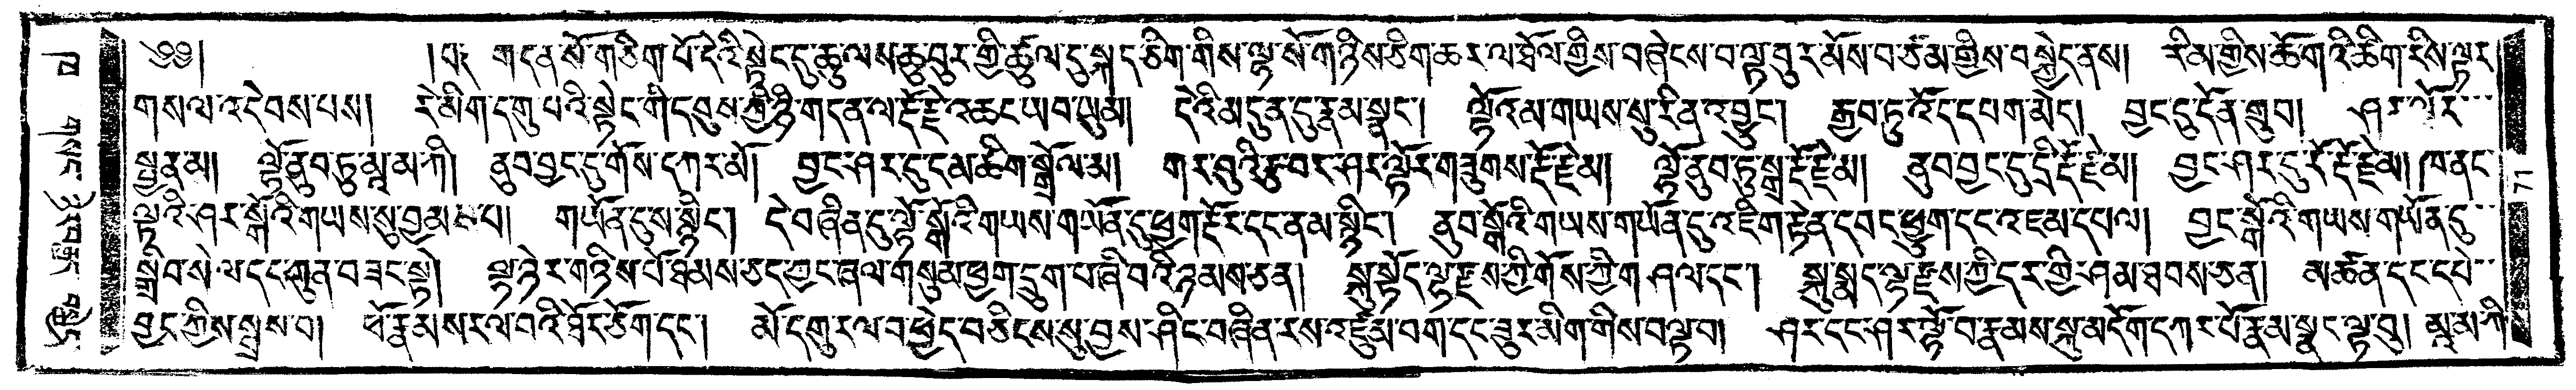༄༅། །པ༑ གདན་སོ་གཅིག་པོ་དེའི་སྟེང་དུ་ཆུ་ལས་ཆུ་བུར་གྱི་ཚུལ་དུ་སྐད་ཅིག་གིས་ལྷ་སོ་གཉིས་ཅིག་ཆར་ལ་ཐོལ་གྱིས་བཞེངས་བ་ལྟ་བུར་མོས་པ་ཙམ་གྱིས་བསྐྱེད་ནས། རིམ་གྱིས་ཆོ་གའི་ཚིག་རིས་ལྟར་
གསལ་འདེབས་པས། རེ་མིག་དགུ་པའི་སྟེང་གི་དབུས་ཀྱི་ཉི་གདན་ལ་རྡོ་རྗེ་འཆང་ཡབ་ཡུམ། དེའི་མདུན་དུ་རྣམ་སྣང་། ལྷོ་འམ་གཡས་སུ་རིན་འབྱུང་། རྒྱབ་ཏུ་འོད་དཔག་མེད། བྱང་དུ་དོན་གྲུབ། ཤར་ལྷོར་
སྤྱན་མ། ལྷོ་ནུབ་ཏུ་མཱ་མ་ཀི། ནུབ་བྱང་དུ་གོས་དཀར་མོ། བྱང་ཤར་དུ་དམ་ཚིག་སྒྲོལ་མ། གར་བུའི་རྩ་བར་ཤར་ལྷོར་གཟུགས་རྡོ་རྗེ་མ། ལྷོ་ནུབ་ཏུ་སྒྲ་རྡོ་རྗེ་མ། ནུབ་བྱང་དུ་དྲི་རྡོ་རྗེ་མ། བྱང་ཤར་དུ་རོ་རྡོ་རྗེ་མ། ཁ་ནང་
ལྟའི་ཤར་སྒོའི་གཡས་སུ་བྱམས་པ། གཡོན་དུས་སྙིང་། དེ་བཞིན་དུ་ལྷོ་སྒོའི་གཡས་གཡོན་དུ་ཕྱག་རྡོར་དང་ནམ་སྙིང་། ནུབ་སྒོའི་གཡས་གཡོན་དུ་འཇིག་རྟེན་དབང་ཕྱུག་དང་འཇམ་དཔལ། བྱང་སྒོའི་གཡས་གཡོན་དུ་
སྒྲིབ་སེལ་དང་ཀུན་བཟང་སྟེ། ལྷ་ཉེར་གཉིས་པོ་ཐམས་ཅད་ཀྱང་ཞལ་གསུམ་ཕྱག་དྲུག་པ་ཞི་བའི་ཉམས་ཅན། སྐུ་སྟོད་ལྷ་རྫས་ཀྱི་གོས་ཀྱི་གཤལ་དང་། སྐུ་སྨད་ལྷ་རྫས་ཀྱི་དར་གྱི་ཤམ་ཐབས་ཅན། མཚན་དང་དཔེ་
བྱད་ཀྱིས་སྤྲས་པ། ཕོ་རྣམས་རལ་བའི་ཐོར་ཅོག་དང་། མོ་དགུར་ལ་བ་ཕྱེད་བཅིངས་སུ་བྱས་ཤིང་བཞིན་རས་འཛུམ་བག་དང་ཟུར་མིག་གིས་བལྟ་བ། ཤར་དང་ཤར་ལྷོ་བ་རྣམས་སྐུ་མདོག་དཀར་པོ་རྣམ་སྣང་ལྟ་བུ། མཱ་མ་ཀི་